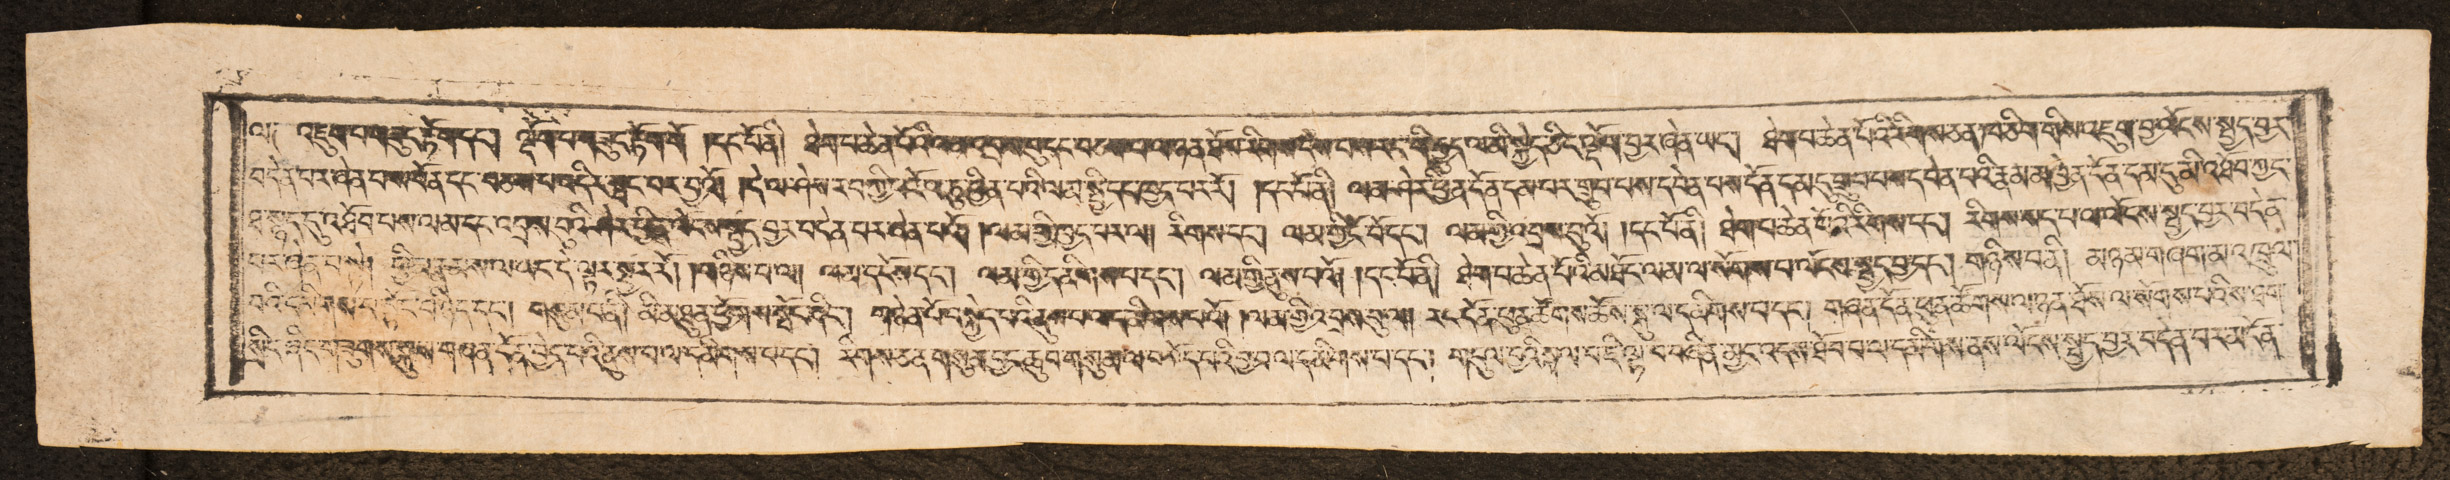ལ། འཇུག་པ་གཟུང་རྟོག་དང་། ལྡོག་པ་གཟུང་རྟོག་གོ །དང་པོ་ནི། ཐེག་པ་ཆེན་པོའི་ལམ་འབྲས་བུ་དང་བཅས་པ་ལ་ཉན་ཐོས་རིགས་ངས་པས་རང་གི་རྒྱུད་ལ་མི་སྐྱེད་ཅིང་ལྡོག་བྱར་ཞེན་ཡང་། ཐེག་པ་ཆེན་པོའི་རིགས་ཅན་ཁ་ཅིག་གིས་འཇུག་བྱ་ལོངས་སྤྱད་བྱར་
བདེན་པར་ཞེན་པ་ས་བོན་དང་བཅས་པ་འདིར་སྤང་བར་བྱའོ། །དེ་ལ་ཤེས་རབ་ཀྱི་ཕ་རོལ་ཏུ་ཕྱིན་པའི་ལམ་སྤྱི་དང་ཁྱད་པར་རོ། །དང་པོ་ནི། ལམ་ཤེར་ཕྱིན་དོན་དམ་པར་གྲུབ་པས་དབེན་པས་དོན་དམ་དུ་གྲུབ་པས་དབེན་པའི་རྣམ་མཁྱེན་དོན་དམ་དུ་མི་འཐོབ་ཀྱང་
ཐ་སྙད་དུ་འཐོབ་པས་ལམ་དང་འབྲས་བུའི་ཤེར་ཕྱིན་ལོངས་སྤྱད་བྱར་བདེན་པར་ཞེན་པའོ། །ལམ་གྱི་ཁྱད་པར་ལ། རིགས་དང་། ལམ་གྱི་ངོ་བོ་དང་། ལམ་གྱི་འབྲས་བུའོ། །དང་པོ་ནི། ཐེག་པ་ཆེན་པོའི་རིགས་དང་། རིགས་སད་པ་ལ་ལོངས་སྤྱད་བྱར་བདེན་
པར་ཞེན་པ་སྟེ། ཕྱི་མ་རྣམས་ལ་ཡང་དེ་ལྟར་སྦྱར་རོ། །གཉིས་པ་ལ། ལམ་དངོས་དང་། ལམ་གྱི་དམིགས་པ་དང་། ལམ་གྱི་ནུས་པའོ། །དང་པོ་ནི། ཐེག་པ་ཆེན་པོའི་མཐོང་ལམ་ལ་སོགས་པ་ལོངས་སྤྱད་བྱ་དང་། གཉིས་པ་ནི། མཉམ་གཞག་མ་འཁྲུལ་
བའི་དམིགས་པ་སྟོང་པ་ཉིད་དང་། གསུམ་པ་ནི། མི་མཐུན་ཕྱོགས་སྤོང་ཞིང་། གཉེན་པོ་བསྐྱེད་པའི་ནུས་པ་ལ་དམིགས་པའོ། །ལམ་གྱི་འབྲས་བུ་ལ། རང་དོན་ཕུན་ཚོགས་ཆོས་སྐུ་ལ་དམིགས་པ་དང་། གཞན་དོན་ཕུན་ཚོགས་ལ་ཉན་ཐོས་ལ་སོགས་པའི་ས་ཐག་
སྲིད་ཞིང་གཟུགས་སྐུས་གཞན་དོན་བྱེད་པའི་ནུས་པ་ལ་དམིགས་པ་དང་། རིགས་ཅན་གསུམ་བྱང་ཆུབ་གསུམ་ལ་བཀོད་པའི་བྱ་བ་ལ་དམིགས་པ་དང་། གདུལ་བྱའི་སྐལ་པ་ཇི་ལྟ་བ་བཞིན་མྱང་འདས་ཐོབ་པ་ལ་དམིགས་ནས་ལོངས་སྤྱད་བྱར་བདེན་པར་མངོན་